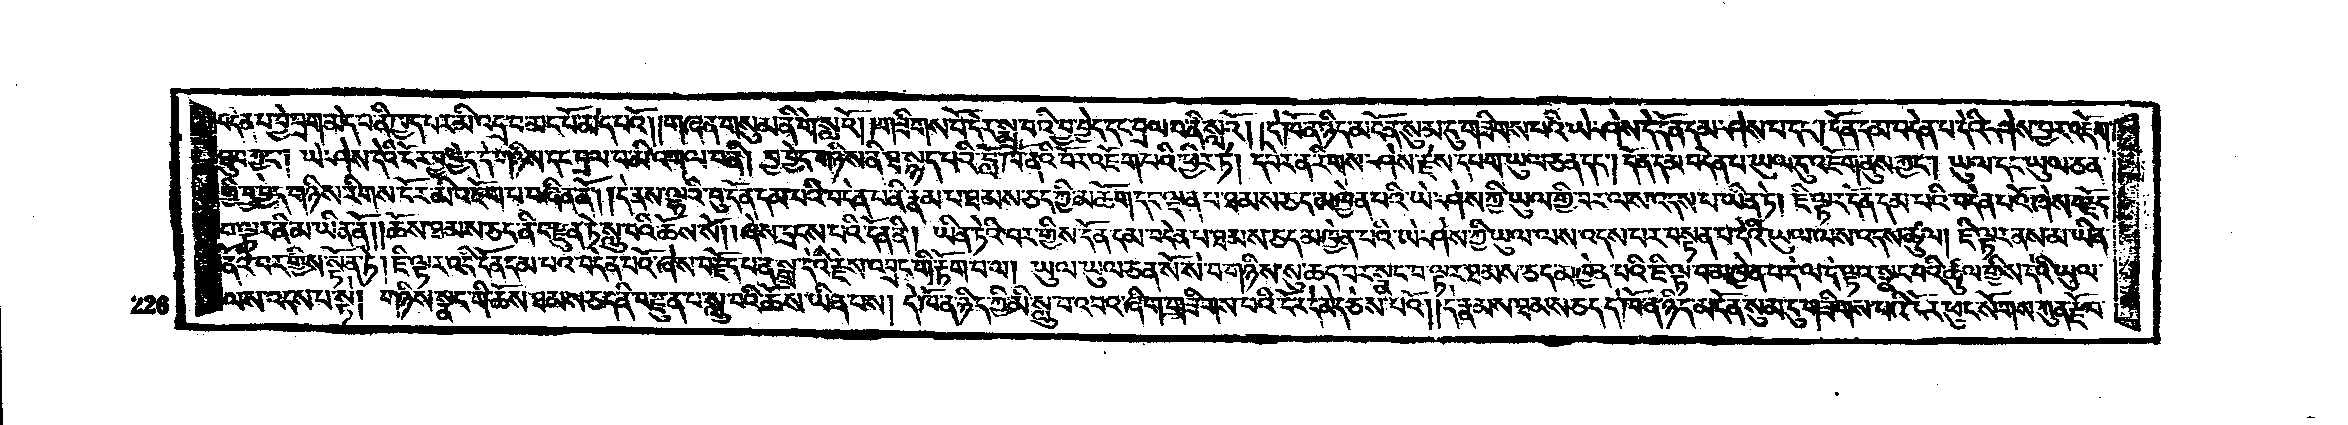བདེན་པ་བྱེ་བྲག་མེད་པ་ནི་ཁྱད་པར་མི་འདྲ་བ་མང་པོ་མེད་པའོ། །གཞན་གསུམ་ནི་གོ་སླའོ། །གཟིགས་ངོ་དེར་སྨྲ་བའི་བྱ་བྱེད་དང་བྲལ་བ་ནི་སླའོ། །དེ་ཁོ་ན་ཉིད་མངོན་སུམ་དུ་གཟིགས་པའི་ཡེ་ཤེས་དེ་དོན་དམ་ཤེས་པ་དང་། དོན་དམ་བདེན་པ་དེའི་ཤེས་བྱར་འཇོག་
ཐུབ་ཀྱང་། ཡེ་ཤེས་དེའི་ངོར་བྱ་བྱེད་དེ་གཉིས་དང་བྲལ་བ་མི་འགལ་བ་ནི། བྱ་བྱེད་གཉིས་ནི་ཐ་སྙད་པའི་བློ་ཁོ་ནའི་ངོར་འཇོག་པའི་ཕྱིར་ཏེ། དཔེར་ན་རིགས་ཤེས་རྗེས་དཔག་ཡུལ་ཅན་དང་། དོན་དམ་བདེན་པ་ཡུལ་དུ་འཇོག་ནུས་ཀྱང་། ཡུལ་དང་ཡུལ་ཅན་
གྱི་བྱ་བྱེད་གཉིས་རིགས་ངོར་མ་འཇོག་པ་བཞིན་ནོ། །དེ་ནས་ལྷའི་བུ་དོན་དམ་པའི་བདེན་པ་ནི་རྣམ་པ་ཐམས་ཅད་ཀྱི་མཆོག་དང་ལྡན་པ་ཐམས་ཅད་མཁྱེན་པའི་ཡེ་ཤེས་ཀྱི་ཡུལ་གྱི་བར་ལས་འདས་པ་ཡིན་ཏེ། ཇི་ལྟར་དོན་དམ་པའི་བདེན་པའོ་ཞེས་བརྗོད་
པ་ལྟར་ནི་མ་ཡིན་ནོ། །ཆོས་ཐམས་ཅད་ནི་བརྫུན་ཏེ་སླུ་བའི་ཆོས་སོ། །ཞེས་དྲངས་པའི་དོན་ནི། ཡིན་ཏེའི་བར་གྱིས་དོན་དམ་བདེན་པ་ཐམས་ཅད་མཁྱེན་པའི་ཡེ་ཤེས་ཀྱི་ཡུལ་ལས་འདས་པར་བསྟན་པ་དེའི་ཡུལ་ལས་འདས་ཚུལ། ཇི་ལྟར་ནས་མ་ཡིན་
ནོའི་བར་གྱིས་སྟོན་ཏེ། ཇི་ལྟར་འདི་དོན་དམ་པའི་བདེན་པའོ་ཞེས་བརྗོད་པ་ན་སྒྲ་དེའི་རྗེས་འབྲང་གི་རྟོག་པ་ལ། ཡུལ་ཡུལ་ཅན་སོ་སོ་བ་གཉིས་སུ་ཆད་པར་སྣང་བ་ལྟར་ཐམས་ཅད་མཁྱེན་པའི་ཇི་ལྟ་བ་མཁྱེན་པ་དེ་ལ་དེ་ལྟར་སྣང་བའི་ཚུལ་གྱིས་དེའི་ཡུལ་
ལས་འདས་པ་སྟེ། གཉིས་སྣང་གི་ཆོས་ཐམས་ཅད་ནི་བརྫུན་པ་སླུ་བའི་ཆོས་ཡིན་པས། དེ་ཁོ་ན་ཉིད་ཀྱི་མི་སླུ་བ་འབའ་ཞིག་གཟིགས་པའི་ངོར་དེ་མེད་ཅེས་པའོ། །དེ་རྣམས་ཐམས་ཅད་དེ་ཁོ་ན་ཉིད་མངོན་སུམ་དུ་གཟིགས་པའི་ངོར་ཕུང་སོགས་ཀུན་རྫོབ་